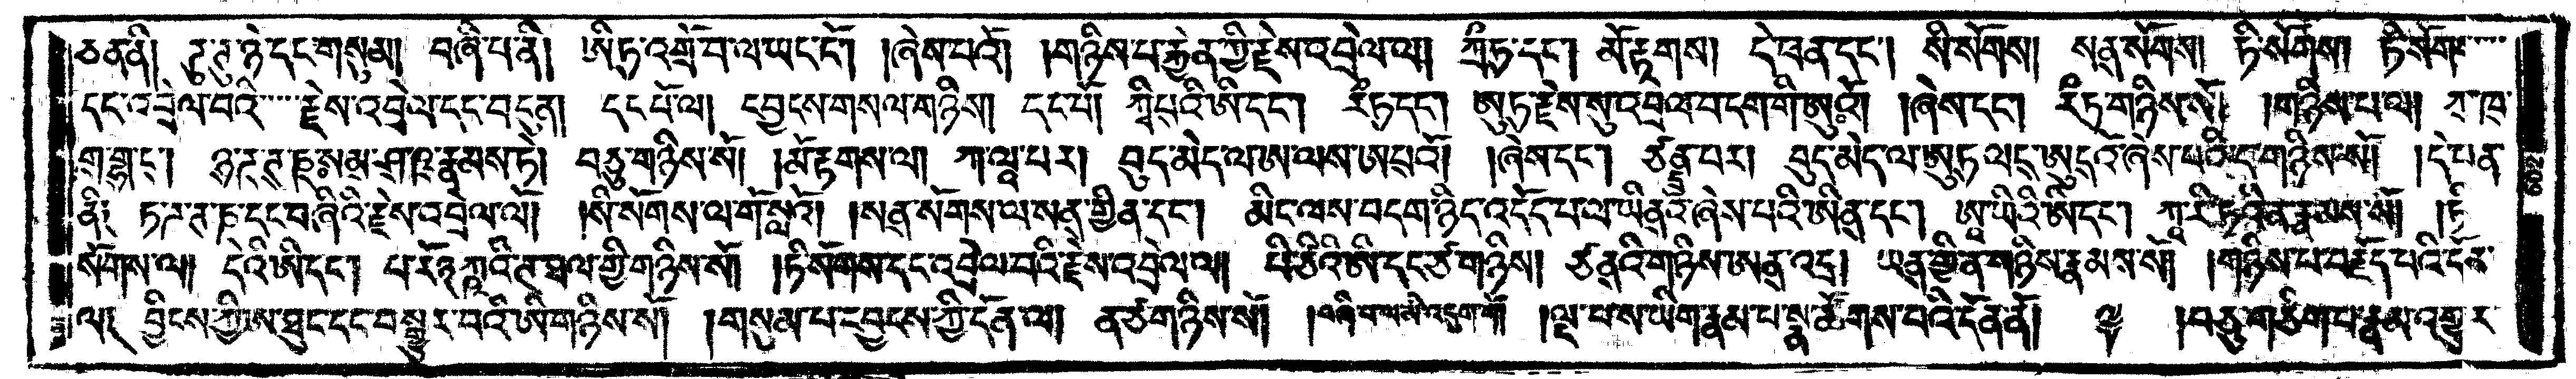ཅན་ནི། ཌུ་ཊུ་ཉེ་དང་གསུམ། བཞི་པ་ནི། ཨི་ཏྲ་འགྲོ་བ་ལ་ཡང་ངོ། །ཞེས་བའོ། །གཉིས་པ་རྐྱེན་ཀྱི་རྗེས་འབྲེལ་ལ། ཀྲྀཏ་དང་། མོ་རྟགས། དེ་ཕན་དང་། སི་སོགས། སན་སོགས། ཏི་སོགས། ཏི་སོགས་
དང་འབྲེལ་བའི་རྗེས་འབྲེལ་དང་བདུན། དང་པོ་ལ། དབྱངས་གསལ་གཉིས། དང་པོ། ཀྲི་པའི་ཨི་དང་། རྀཏ་དང་། ཨུ་ཏུ་རྗེས་སུ་འབྲེལ་བདག་གི་ཨུའོ། །ཟེས་དང་། རྀཏ་གཉིས་སོ། །གཉིས་པ་ལ། ཀྲ་ཁྲ་
གྲ་གྷྲ་གང་། ཉ་ཌ་ཊ་ཎ་སམ་ཤ་ཥྲ་རྣམས་ཏེ། བཅུ་གཉིས་སོ། །མོ་རྟགས་ལ། ཀ་ལཱ་པར། བུད་མེད་ལ་ཨ་ལས་ཨ་པྲབོ། །ཞེས་དང་། རྩན་དྲུ་བར། བུད་མེད་ལ་ཨུཏ་ལང་ཨུད་འྮེས་པའི་དུ་གཉིས་སོ། །དཔེན་
ནི། ཏ་ཌ་ཊ་ཎ་དང་བཞིའི་རྗེས་འབྲེལ་ལོ། །སི་སོགས་ལ་གོ་སླའོ། །སྦྲ་སོགས་ལ་ས་གྱིན་དང་། མིང་ལས་བདག་གཉིས་འདོད་པ་ལ་ཡིན་འྯེས་པའི་ཨིན་དང་། ཨཱ་ཡིའི་ཨི་དང་། ཀཱ་རི་ཤིན་རྣམས་སོ། །ཏི་
སོགས་ལ། དེའི་ཨི་དང་། པ་རོཉཀྵཱི་ཊཱ་ཐལ་གྱི་གཉིས་སོ། །ཏི་སོགས་དང་འབྲེལ་བའི་རེས་འབྲེལ་ལ། པི་ཙིའི་ཨི་དང་ཙ་གཉིས། ཙ་ནའི་གཉིས་ཨན་འདྲ། ཡན་གྱི་ན་གཉིས་རྣམས་སོ། །གཉིས་པ་བརྗོད་པའི་དོན་
ལ། བྱིངས་ཀྱིས་ཐུང་དང་བསྒྱུར་བའི་ཨི་གཉིས་སོ། །གསུམ་པ་དབྱང་ཀྱི་དོན་ལ། ན་ཙ་གཉིས་སོ། བཞི་པ་ས་སི་འདུག་གོ། །ལྔ་པས་ཡིག་རྣམ་པ་ཡིག་རྣམ་པ་སྣ་ཚོགས་བའི་དོན་ནོ། ༈ །བཅུ་གཅིག་པ་རྣམ་འགྱུར་